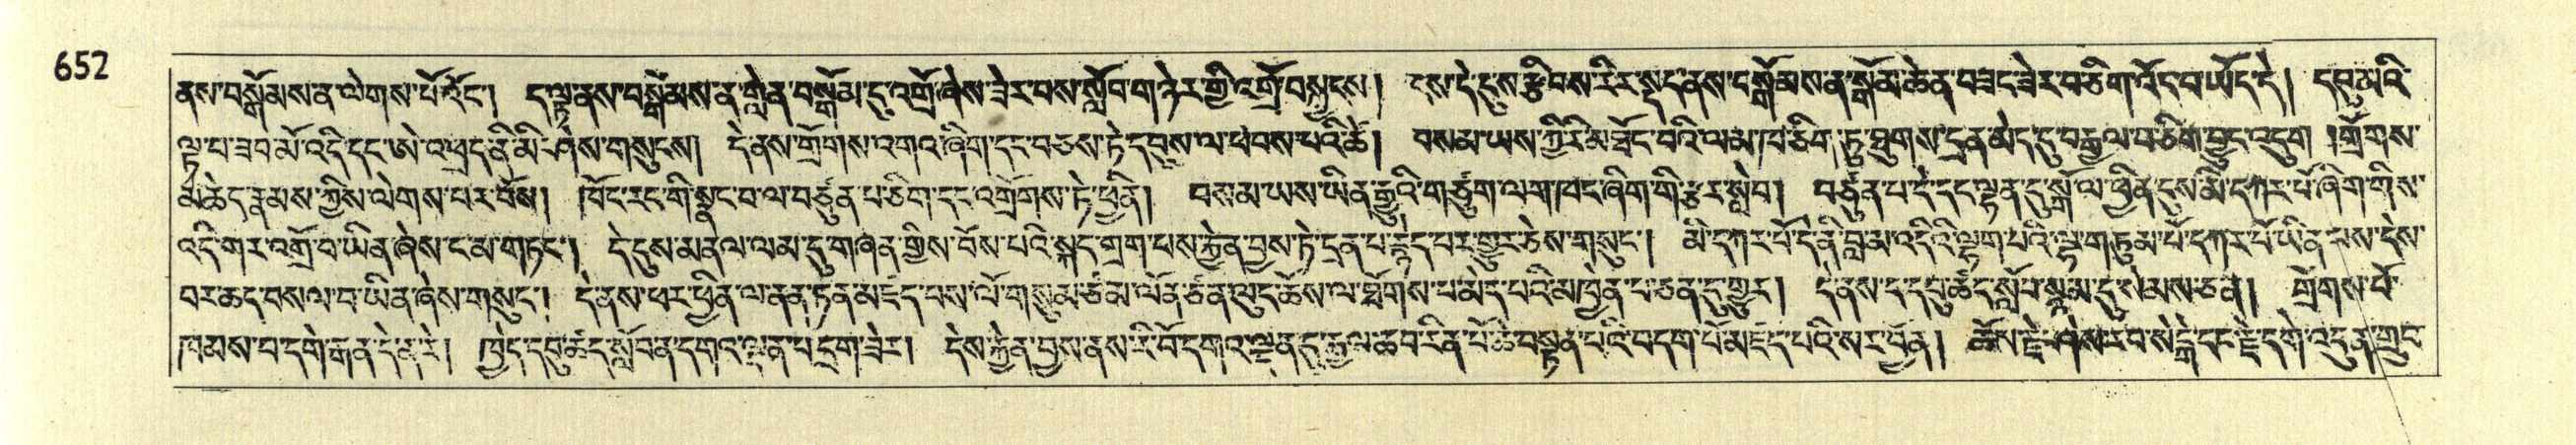ནས་བསྒོམས་ན་ལེགས་པོ་འོང་། ད་ལྟ་ནས་བསྒོམས་ན་གླེན་བསྒོམ་དུ་འགྲོ་ཞེས་ཟེར་བས་སློབ་གཉེར་གྱི་འགྲོ་བསྐྱངས། ངས་དེ་དུས་རྩིབས་རིར་སྡད་ནས་བསྒོམས་ན་སྒོམ་ཆེན་བཟང་ཟེར་བ་ཅིག་འོད་པ་ཡོད་དེ། དབུ་མའི་
ལྟ་པ་ཟབ་མོ་འདི་དང་ཨེ་འཕྲད་ནི་མི་ཤེས་གསུངས། དེ་ནས་གྲོགས་འགའ་ཞིག་དང་བཅས་ཏེ་དབུས་ལ་ཕེབས་པའི་ཚེ། བསམ་ཡས་ཀྱི་རི་མཐོང་བའི་ལམ་ཁ་ཅིག་ཏུ་ཐུགས་དྲན་མེད་དུ་བརྒྱལ་བ་ཅིག་བྱུང་འདུག །གྲོགས་
མཆེད་རྣམས་ཀྱིས་ལེགས་པར་བོས། ཁོང་རང་གི་སྣང་བ་ལ་བཙུན་པ་ཅིག་དང་འགྲོགས་ཏེ་ཕྱིན། བསམ་ཡས་ཡིན་རྒྱུའི་གཙུག་ལག་ཁང་ཞིག་གི་རྩར་སླེབ། བཙུན་པ་དེ་དང་ལྷན་དུ་སྒོ་ལ་ཕྱིན་དུས་མི་དཀར་པོ་ཞིག་གིས་
འདི་གར་འགྲོ་བ་ཡིན་ཞེས་ང་མ་གཏང་། དེ་དུས་མནལ་ལམ་དུ་གཞན་གྱིས་བོས་པའི་སྐད་གྲག་པས་རྐྱེན་བྱས་ཏེ་དྲན་པ་རྙེད་པར་གྱུར་ཅེས་གསུངས། མི་དཀར་པོ་དེ་ནི་བླ་མ་འདིའི་ལྷག་པའི་ལྷ་གཏུམ་པོ་དཀར་པོ་ཡིན་པས་དེས་
བར་ཆད་བསལ་བ་ཡིན་ཞེས་གསུང་། དེ་ནས་ཕར་ཕྱིན་ལ་ནན་ཏན་མཛད་པས་ལོ་གསུམ་ཙམ་ལོན་ཙན་ལུང་ཆོས་ལ་ཐོགས་པ་མེད་པའི་མཁྱེན་པ་ཅན་དུ་གྱུར། དེ་ནས་ད་དབུ་ཚད་སློབ་སྙམ་དུ་སེམས་ཅན། གྲོགས་པོ་
ཁམས་བ་དགེ་རྒན་དེ་ན་རེ། ཁྱེད་དབུ་ཚད་སློབ་ན་དགའ་ལྡན་པ་དྲག་ཟེར། དེས་རྐྱེན་བྱས་ནས་རི་བོ་དགའ་ལྡན་དུ་རྒྱལ་ཆབ་རིན་པོ་ཆེ་བསྟན་པའི་བདག་པོ་མཛད་པའི་སར་བྱོན། ཆོས་རྗེ་ཤེས་རབ་སེངྒེ་དང་རྗེ་དགེ་འདུན་གྲུབ་